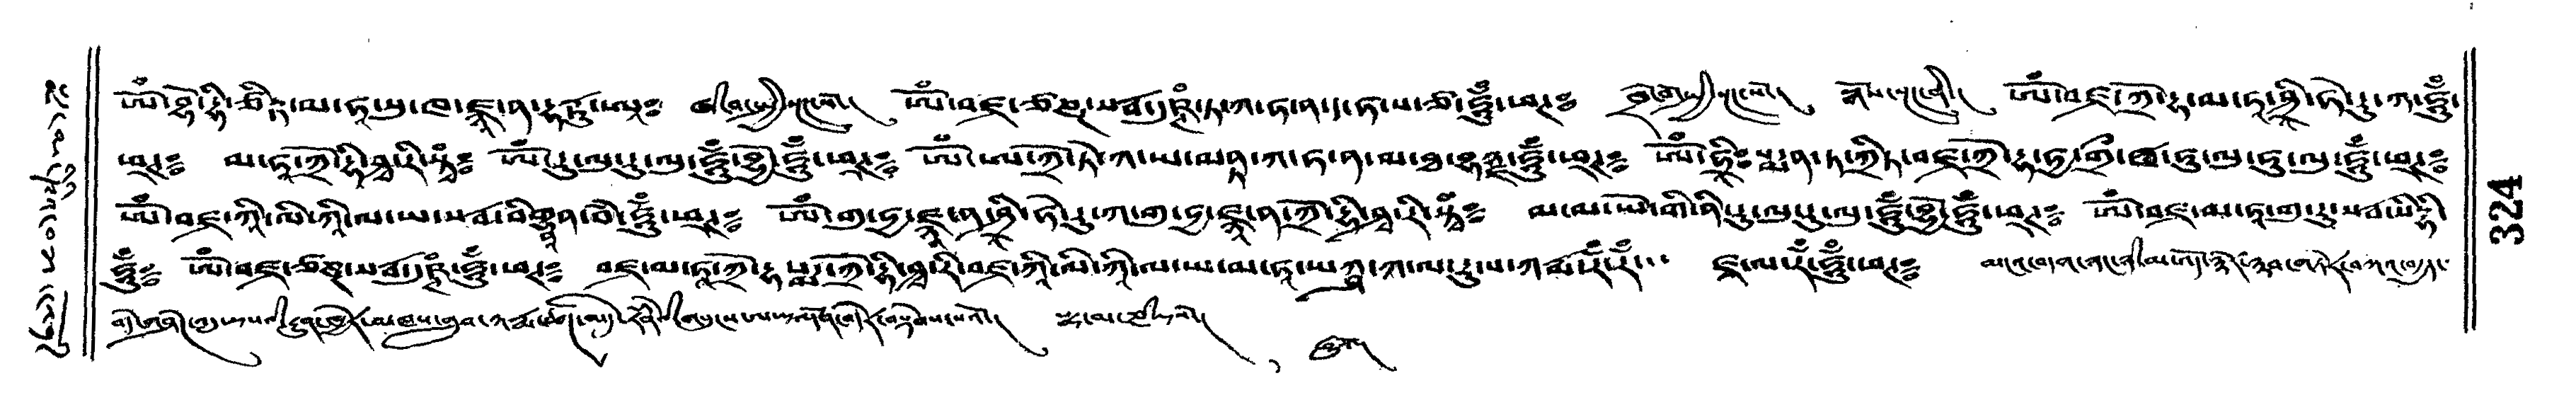ཨོཾ་བྷོ་དྷི་ཙིཏྟ་མ་ཧཱ་སུ་ཁ་ཛྙཱ་ན་དྷརྟུ་ཨཱཿ ཞི་བ་སྤྱི་སྔགས་སོ། ཨོཾ་བཛྲ་ཙཎྜ་སརྦ་དུཥྚཾ་ཏ་ཀ་ཧ་ན་ད་ཧ་པ་ཙ་ཧཱུྃ་ཕཊ༔ ཁྲོ་བོ་སྤྱི་སྔགས་སོ། ཨོཾ་བཛྲ་ཀྲོ་དྷ་མ་ཧཱ་ཤྲཱི་ཧེ་རུ་ཀ་ཧཱུྃ་
ཕཊ༔ མ་ཧཱ་ཀྲོ་དྷི་ཤྭ་རི་སྟྭཾ༔ ཨོཾ་རུ་ལུ་རུ་ལུ་ཧཱུྃ་བྷྱོ་ཧཱུྃ་ཕཊ༔ ཨོཾ་ཨ་ཀྲོ་ཏེ་ཀ་ཡ་མནྟ་ཀ་ཧ་ན་མ་ཐ་བྷཉྫ་ཧཱུྃ་ཕཊ༔ ཨོཾ་ཧྲཱིཿཔདྨན་ཏ་ཀྲིཏ་བཛྲ་ཀྲོ་དྷ་ཧྱ་གྲྀ་ཝ་ཧུ་ལུ་ཧུ་ལུ་ཧཱུྃ་ཕཊ༔ 
ཨོཾ་བཛྲ་ཀཱི་ལི་ཀཱི་ལི་ཡ་སརྦ་བིགྷྣཾ་བཾ་ཧཱུྃ་ཕཊ༔ ཨོཾ་གུ་ཧྱ་ཛྙཱ་ན་ཤྲཱི་ཧེ་རུ་ཀ་གུ་ཧྱ་ཛྙཱ་ན་ཀྲོ་དྷི་ཤྭ་རི་སྟྭཾ༔ མ་མ་ཡོ་གི་ནི་རུ་ལུ་རུ་ལུ་ཧཱུྃ་བྷྱོ་ཧཱུྃ་ཕཊ༔ཨོཾ་བཛྲ་མ་ཧཱ་གུ་རུ་སརྦ་སིདྡྷི་
ཧཱུྃ༔ ཨོཾ་བཛྲ་ཙཎྜ་སརྦ་དུཥྚཾ་ཧཱུྃ་ཕཊ༔ བཛྲ་མ་ཧཱ་ཀྲོ་དྷ་པདྨ་ཀྲོ་དྷི་ཤྭ་རི་བཛྲ་ཀཱི་ལི་ཀཱི་ལ་ཡ་མ་ཧཱ་ཡཀྵ་ཀ་ལ་རུ་པ་ཀརྨ་རྃ་རྃ་ཛྭ་ལ་རྃ་ཧཱུྃ་ཕཊ༔ མངའ་བདག་ཉང་ཉི་མ་འོད་ཟེར་གྱི་ཟབ་གཏེར་བཀའ་བརྒྱད་
བདེ་གཤེགས་འདུས་པའི་རྒྱུན་ཁྱེར་མཁས་གྲུབ་ཀརྨ་ཆགས་མེད་རིན་པོ་ཆེའི་གསུང་ལ་འདོན་བདེར་བསྡེབས་པའོ།། པདྨ་མ་ཎིསོ།། དགེའོ།།